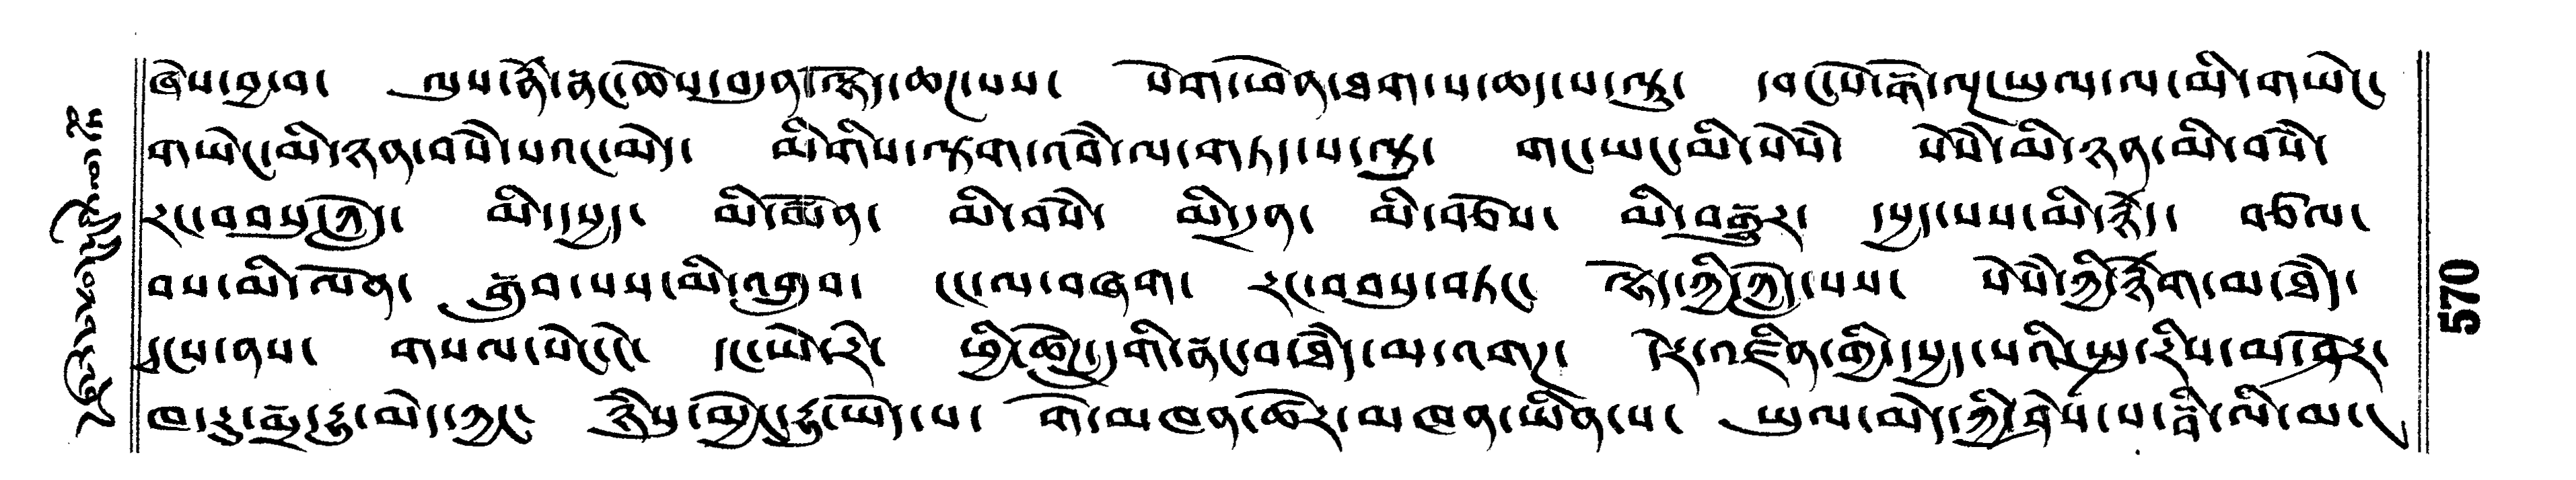ཞེས་བྱ་བ། ལུས་རྣམ་སྣང་ཆོས་བདུན་ལྷོད་ཆགས་པས། སོག་ཕོན་ཐག་པ་ཆད་པ་ལྟ་བུ། དབང་པོ་སྒོ་ལྔ་ཡུལ་ལ་མི་གཡེང་། 
གཡེང་མི་ཉན་བསམ་པའང་མེད། མིག་གིས་ (ལྟག་འབམ་ ?) ལྟག་འབོལ་ལ་གཏད་པ་ལྟ་བུ། གང་ཡང་མི་སེམས། སེམས་མི་ཉན། མི་བསམ་
རང་བབས་སུ་གློད། མི་དཔྱད། མི་སྨོན། མི་བསམ། མི་དྲན། མི་བཅོས། མི་བསྒྱུར། དཔྱད་པས་མི་རྙེད། བཙལ་
བས་མི་ལོན། སྒྲུབ་པས་མི་འགྲུབ། ངང་ལ་བཞག རང་བབས་སུ་བཏང་། ལྷོད་ཀྱི་གློད་པས། སེམས་ཀྱི་རྙོག་མ་ཐམས་ཅད་
དྭངས་ནས།གསལ་སེང་ངེ་། དྭངས་ཡེ་རེ། ཕྱི་ཚོགས་དྲུག་གི་སྣང་བ་ཐམས་ཅད་མ་འགགས། དེར་འཛིན་གྱི་དཔྱད་པའི་སྤུ་རིས་མ་ཤོར། 
ཁ་རུ་སྨྲ་རྒྱུ་མེད་ཀྱང་། ཉམས་སུ་མྱོང་རྒྱུ་ཡོད་པ། གོ་མཁན་ཚོར་མཁན་ཡིན་པ། ཡུལ་མེད་ཀྱི་ཤེས་པ་སྦི་ལི་མ།